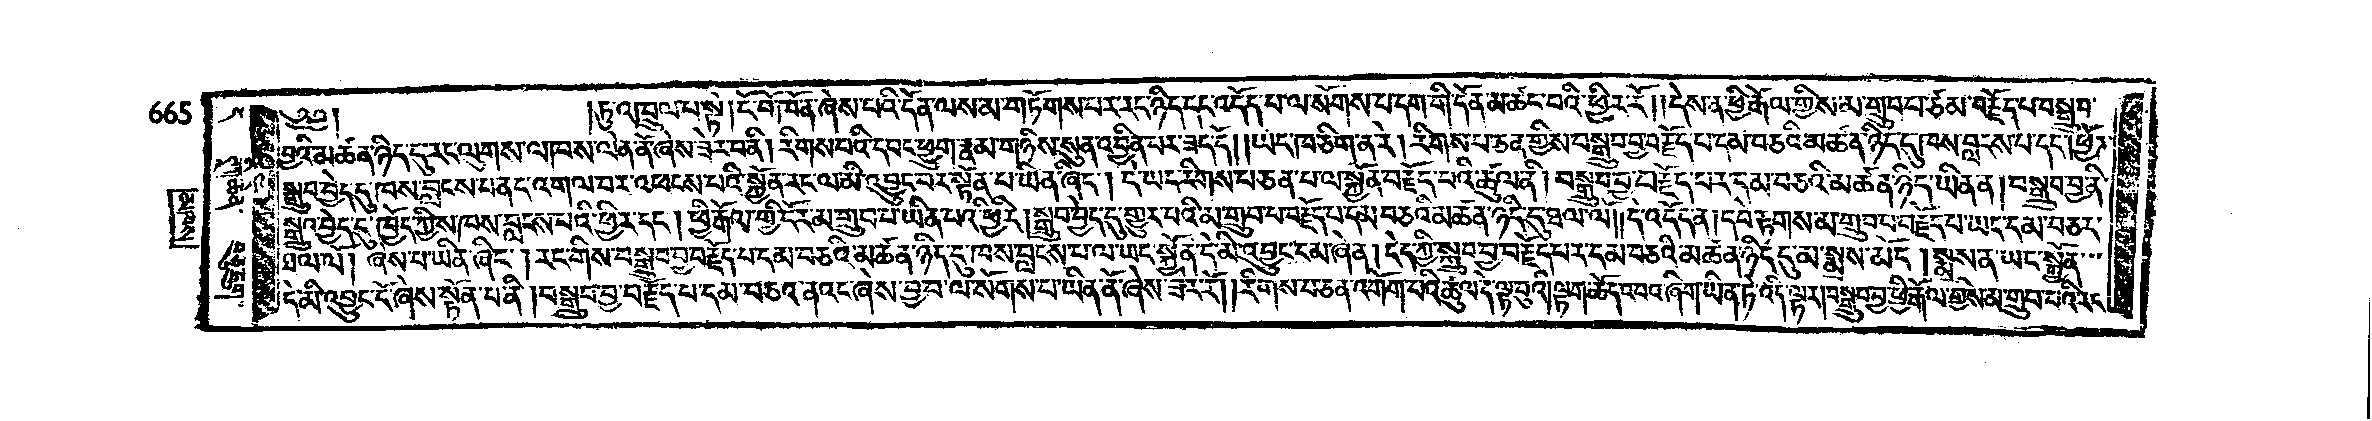༄༅། །ཏུ་འཁྲུལ་བ་སྟེ། ངོ་བོ་ཁོ་ན་ཞེས་པའི་དོན་ལས་མ་གཏོགས་པར་རང་ཉིད་དང་འདོད་པ་ལ་སོགས་པ་དག་གི་དོན་མ་ཚང་བའི་ཕྱིར་རོ། །དེས་ན་ཕྱི་རྒོལ་གྱིས་མ་གྲུབ་པ་ཙམ་བརྗོད་པ་བསྒྲུབ་
བྱའི་མཚན་ཉིད་དུ་རང་ལུགས་ལ་ཁས་ལེན་ནོ་ཞེས་ཟེར་བ་ནི། རིགས་པའི་དབང་ཕྱུག་རྣམ་གཉིས་སུན་འབྱིན་པར་ཟད་དོ། །ཡང་ཁ་ཅིག་ན་རེ། རིགས་པ་ཅན་གྱིས་བསྒྲུབ་བྱ་བརྗོད་པ་དམ་བཅའི་མཚན་ཉིད་དུ་ཁས་བླངས་པ་དང་། ཕྱོགས་
སྒྲུབ་བྱེད་དུ་ཁས་བླངས་པ་ནང་འགལ་བར་འཕངས་པའི་སྐྱོན་རང་ལ་མི་འབྱུང་བར་སྟོན་པ་ཡིན་ཞིང་། དེ་ཡང་རིགས་པ་ཅན་པ་ལ་སྐྱོན་བརྗོད་པའི་ཚུལ་ནི། བསྒྲུབ་བྱ་བརྗོད་པར་དམ་བཅའི་མཚན་ཉིད་ཡིན་ན། བསྒྲུབ་བྱ་ནི་
སྒྲུབ་བྱེད་དུ་ཁྱོད་ཀྱིས་ཁས་བླངས་པའི་ཕྱིར་དང་། ཕྱི་རྒོལ་གྱི་ངོར་མ་གྲུབ་པ་ཡིན་པའི་ཕྱིར། སྒྲུབ་བྱེད་དུ་གྱུར་པའི་མ་གྲུབ་པ་བརྗོད་པ་དམ་བཅའི་མཚན་ཉིད་དུ་ཐལ་ལོ། །དེ་འདོད་ན། དཔེ་རྟགས་མ་གྲུབ་པ་བརྗོད་པ་ཡང་དམ་བཅར་
ཐལ་ལོ། ཞེས་པ་ཡིན་ཞིང་། རང་གིས་བསྒྲུབ་བྱ་བརྗོད་པ་དམ་བཅའི་མཚན་ཉིད་དུ་ཁས་བླངས་པ་ལ་ཡང་སྐྱོན་དེ་མི་འབྱུང་ངམ་ཞེ་ན། ངེད་ཀྱི་སྒྲུབ་བྱ་བརྗོད་པར་དམ་བཅའི་མཚན་ཉིད་དུ་མ་སྨྲས་མོད། སྨྲས་ན་ཡང་སྐྱོན་
དེ་མི་འབྱུང་ངོ་ཞེས་སྟོན་པ་ནི། བསྒྲུབ་བྱ་བརྗོད་པ་དམ་བཅའ་ནའང་ཞེས་བྱ་བ་ལ་སོགས་པ་ཡིན་ནོ་ཞེས་ཟེར་རོ། །རིགས་པ་ཅན་འགོག་པའི་ཚུལ་དེ་ལྟ་བུའི། ལྟག་ཆོད་འབའ་ཞིག་ཡིན་ཏེ་འདི་ལྟར། བསྒྲུབ་བྱ་ཕྱི་རྒོལ་གྱིས་མ་གྲུབ་པའི་རང་